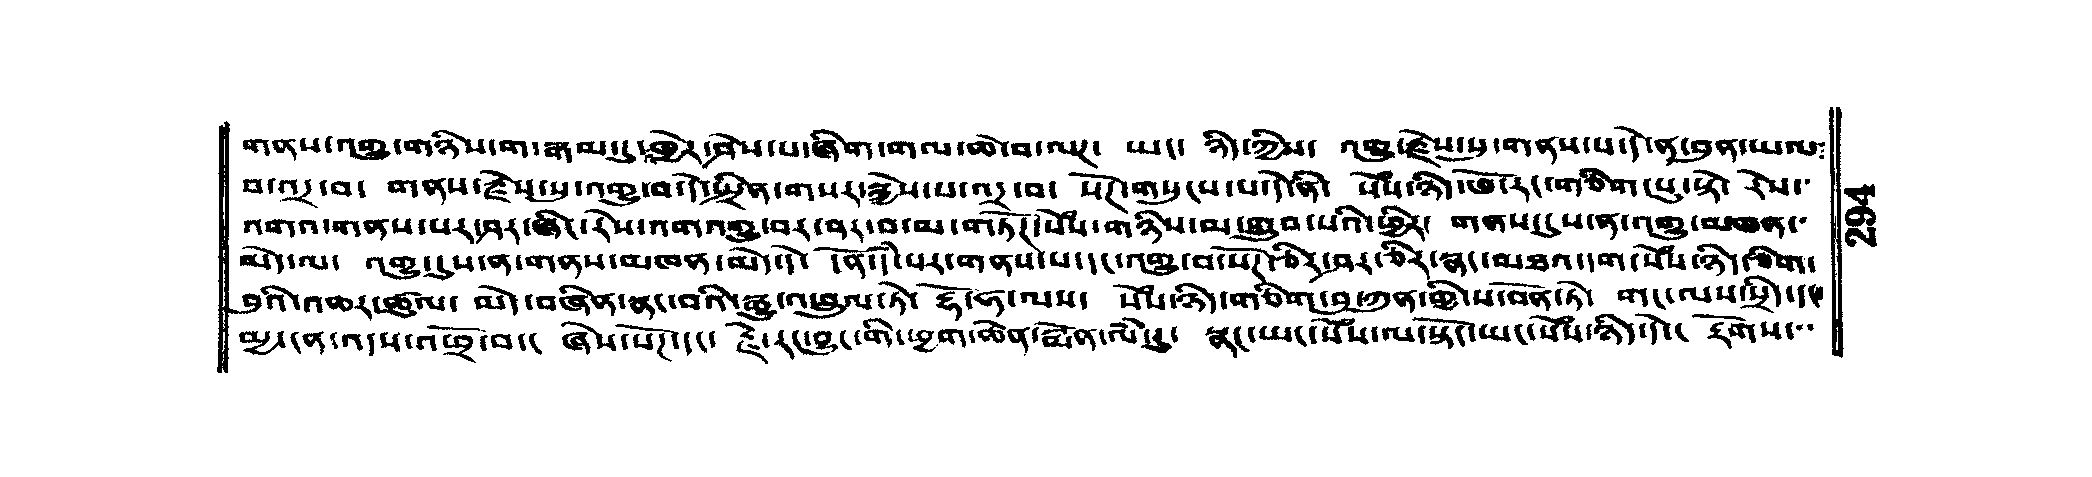གནས་འགྱུ་གཉིས་ག་སྒོམ་དུ་འཁྱེར་ཤེས་པ་ཞིག་གལ་ཆེ་བ་ལགས། ཡང་། ཉིད་ཀྱིས། འགྱུ་རྗེས་སུ་གནས་པ་དེ་ན་བུན་ཡལ་
བ་འདྲ་བ། གནས་རྗེས་སུ་འགྱུ་བ་དེ་སྤྲིན་གསར་སྐྱེས་པ་འདྲ་བ། སོགས་གསུངས་པ་དེ་ནི། སེམས་ཉིད་ཁོ་རང་གཅིག་པུ་སྟེ། རེས་
འགའ་གནས་པར་ཤར་ཞིང་རེས་འགའ་འགྱུ་བར་ཤར་བ་མ་གཏོགས་སེམས་གཉིས་མ་གྲུབ་པའི་ཕྱིར། གནས་དུས་ན་འགྱུ་མཁན་
མེད་ལ། འགྱུ་དུས་ན་གནས་མཁན་མེད་དེ། དོན་དམ་པར་གནས་པ་དང་འགྱུ་བ་སོགས་ཅིར་ཤར་ཅིར་སྣང་མཐའ་དག་སེམས་ཉིད་གཅིག་
བུའི་འཆར་ཚུལ་མེད་བཞིན་སྣང་བའི་སྒྱུ་འཕྲུལ་ཏེ། དོ་ཧ་ལས། སེམས་ཉིད་གཅིག་བུ་ཀུན་གྱི་ས་བོན་ཏེ། །གང་ལས་སྲིད་དང་
མྱ་ངན་འདས་འཕྲོ་བ། ཞེས་སོགས་དང་། རྗེ་རང་བྱུང་གི་ཕྱག་ཆེན་སྨོན་ལམ་དུ།སྣང་ཡང་སེམས་ལ་སྟོང་ཡང་སེམས་ཉིད་དེ། །རྟོགས་